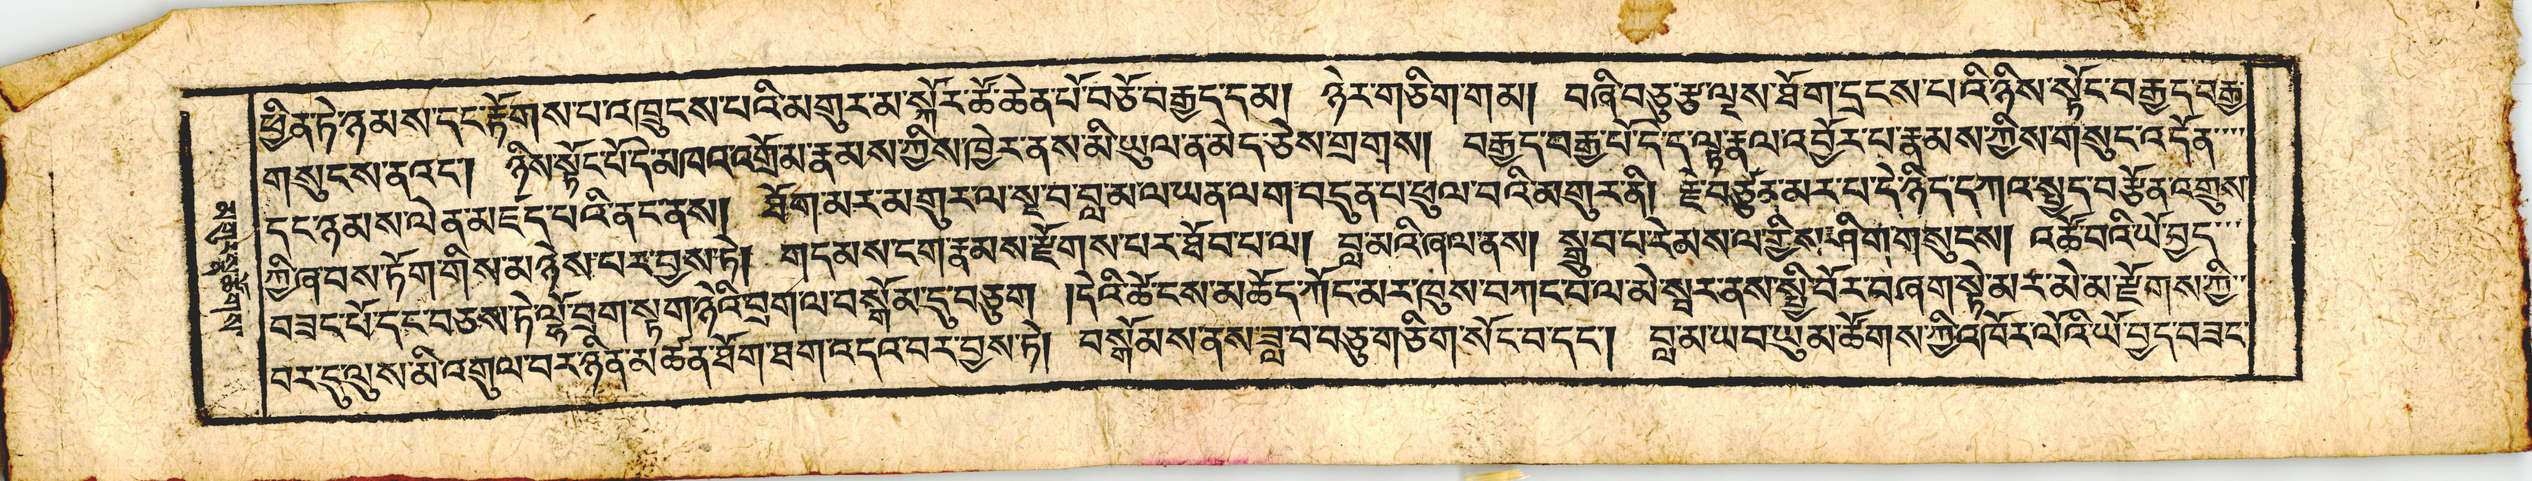ཕྱིན་ཏེ་ཉམས་དང་རྟོགས་པ་འཁྲུངས་པའི་མགུར་མ་སྐོར་ཚོ་ཆེན་པོ་བཅོ་བརྒྱད་དམ། ཉེར་གཅིག་གམ། བཞི་བཅུ་རྩ་ལྔས་ཐོག་དྲངས་པའི་ཉིས་སྟོང་བརྒྱད་བརྒྱ་
གསུངས་ནའང་། ཉིས་སྟོང་པོ་དེ་མཁའ་འགྲོ་མ་རྣམས་ཀྱིས་ཁྱེར་ནས་མི་ཡུལ་ན་མེད་ཅེས་གྲགས། བརྒྱད་བརྒྱ་པོ་དེ་ད་ལྷ་རྣལ་འབྱོར་པ་རྣམས་ཀྱིས་གསུང་འདོན་
དང་ཉམས་ལེན་མཛད་པའི་ནང་ནས། ཐོག་མར་མགུར་ལ་སྔ་བ་བླ་མ་ལ་ཡན་ལག་བདུན་པ་ཕུལ་བའི་མགུར་ནི། རྗེ་བཙུན་མར་པ་དེ་ཉིད་དཀའ་སྤྱད་བརྩོན་འགྲུས་
ཀྱི་ཞབས་ཏོག་གིས་མཉེས་པར་བྱས་ཏེ། གདམས་ངག་རྣམས་རྫོགས་པར་ཐོབ་པ་ལ། བླ་མའི་ཞལ་ནས། སྒྲུབ་པ་རེམས་ལ་གྱིས་ཤིག་གསུངས། འཚོ་བའི་ཡོ་བྱད་
བཟང་པོ་དང་བཅས་ཏེ་ལྷོ་བྲག་སྟག་ཉེའི་བྲག་ལ་བསྒོམ་དུ་བཅུག། །དེའི་ཚེ་ངས་མཆོད་ཀོང་མར་ཁུས་བཀང་བ་ལ་མེ་སྦར་ནས་སྤྱི་བོར་བཞག་སྟེ་མར་མེ་མ་རྫོགས་ཀྱི་
བར་དུ་ལུས་མི་འགུལ་བར་ཉིན་མཚན་ཐོག་ཐག་འདའ་བར་བྱས་ཏེ། བསྒོམས་ནས་ཟླ་བ་བཅུ་གཅིག་སོང་བ་དང་། བླ་མ་ཡབ་ཡུམ་ཚོགས་ཀྱིའཁོར་ལོའི་ཡོ་བྱད་བཟང་